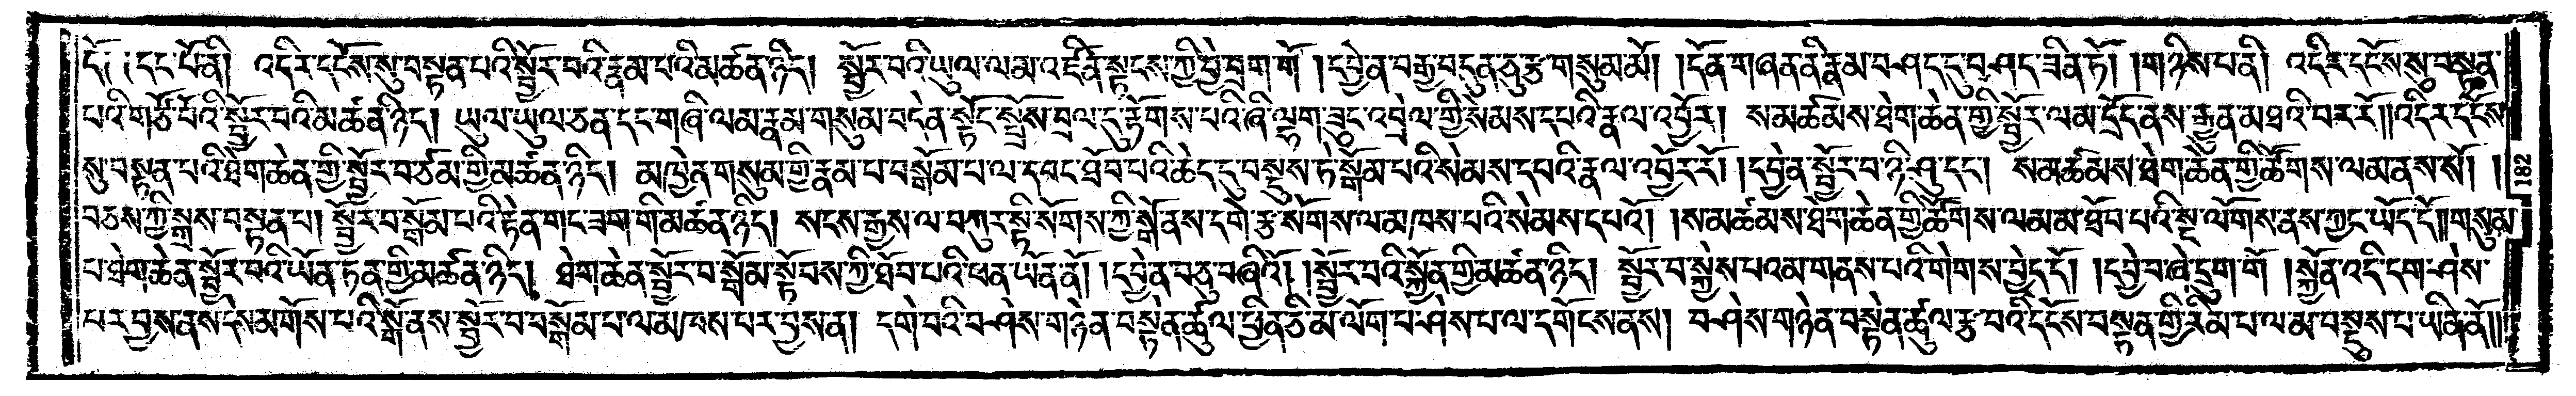དོ། །དང་པོ་ནི། འདིར་དངོས་སུ་བསྟན་པའི་སྦྱོར་བའི་རྣམ་པའི་མཚན་ཉིད། སྦྱོར་བའི་ཡུལ་ལམ་འཛིན་སྟངས་ཀྱི་བྱེ་བྲག་གོ །དབྱེ་ན་བརྒྱ་བདུན་ཅུ་རྩ་གསུམ་མོ། །དོན་གཞན་ནི་རྣམ་བཤད་དུ་བཤད་ཟིན་ཏོ། །གཉིས་པ་ནི། འདིར་དངོས་སུ་བསྟན་
པའི་གཙོ་བོའི་སྦྱོར་བའི་མཚན་ཉིད། ཡུལ་ཡུལ་ཅན་དང་གཞི་ལམ་རྣམ་གསུམ་བདེན་སྟོང་སྤྲོས་བྲལ་དུ་རྟོགས་པའི་ཞི་ལྷག་ཟུང་འབྲེལ་གྱི་སེམས་དཔའི་རྣལ་འབྱོར། ས་མཚམས་ཐེག་ཆེན་གྱི་སྦྱོར་ལམ་དྲོད་ནས་རྒྱུན་མཐའི་བར་རོ། །འདིར་དངོས་
སུ་བསྟན་པའི་ཐེག་ཆེན་གྱི་སྦྱོར་བ་ཙམ་གྱི་མཚན་ཉིད། མཁྱེན་གསུམ་གྱི་རྣམ་པ་བསྒོམ་པ་ལ་དབང་ཐོབ་པའི་ཆེད་དུ་བསྡུས་ཏེ་སྒོམ་པའི་སེམས་དཔའི་རྣལ་འབྱོར་རོ། །དབྱེ་ན་སྦྱོར་བ་ཉི་ཤུ་དང་། ས་མཚམས་ཐེག་ཆེན་གྱི་ཚོགས་ལམ་ནས་སོ། །
བཅས་ཀྱི་སྒྲས་བསྟན་པ། སྦྱོར་བ་སྒོམ་པའི་རྟེན་གང་ཟག་གི་མཚན་ཉིད། སངས་རྒྱས་ལ་བཀུར་སྟི་སོགས་ཀྱི་སྒོ་ནས་དགེ་རྩ་སོགས་ལ་མཁས་པའི་སེམས་དཔའོ། །ས་མཚམས་ཐེག་ཆེན་གྱི་ཚོགས་ལམ་མ་ཐོབ་པའི་སྔ་ལོགས་ནས་ཀྱང་ཡོད་དོ། །གསུམ་
པ་ཐེག་ཆེན་སྦྱོར་བའི་ཡོན་ཏན་གྱི་མཚན་ཉིད། ཐེག་ཆེན་སྦྱོར་བ་སྒོམ་སྟོབས་ཀྱི་ཐོབ་པའི་ཕན་ཡོན་ནོ། །དབྱེ་ན་བཅུ་བཞིའོ། །སྦྱོར་བའི་སྐྱོན་གྱི་མཚན་ཉིད། སྦྱོར་བ་སྐྱེས་པའམ་གནས་པའི་གེགས་བྱེད་དོ། །དབྱེ་བ་ཞེ་དྲུག་གོ །སྐྱོན་འདི་དག་ཤེས་
པར་བྱས་ནས་དེས་མ་གོས་པའི་སྒོ་ནས་སྦྱོར་བ་བསྒོམ་པ་ལ་མཁས་པར་བྱས་ན། དགེ་བའི་བཤེས་གཉེན་བསྟེན་ཚུལ་ཕྱིན་ཅི་མ་ལོག་པ་ཤེས་པ་ལ་དགོངས་ནས། བཤེས་གཉེན་བསྟེན་ཚུལ་རྩ་བའི་དངོས་བསྟན་གྱི་རིམ་པ་ལ་མ་བསྡུས་པ་ཡིན་ནོ།།